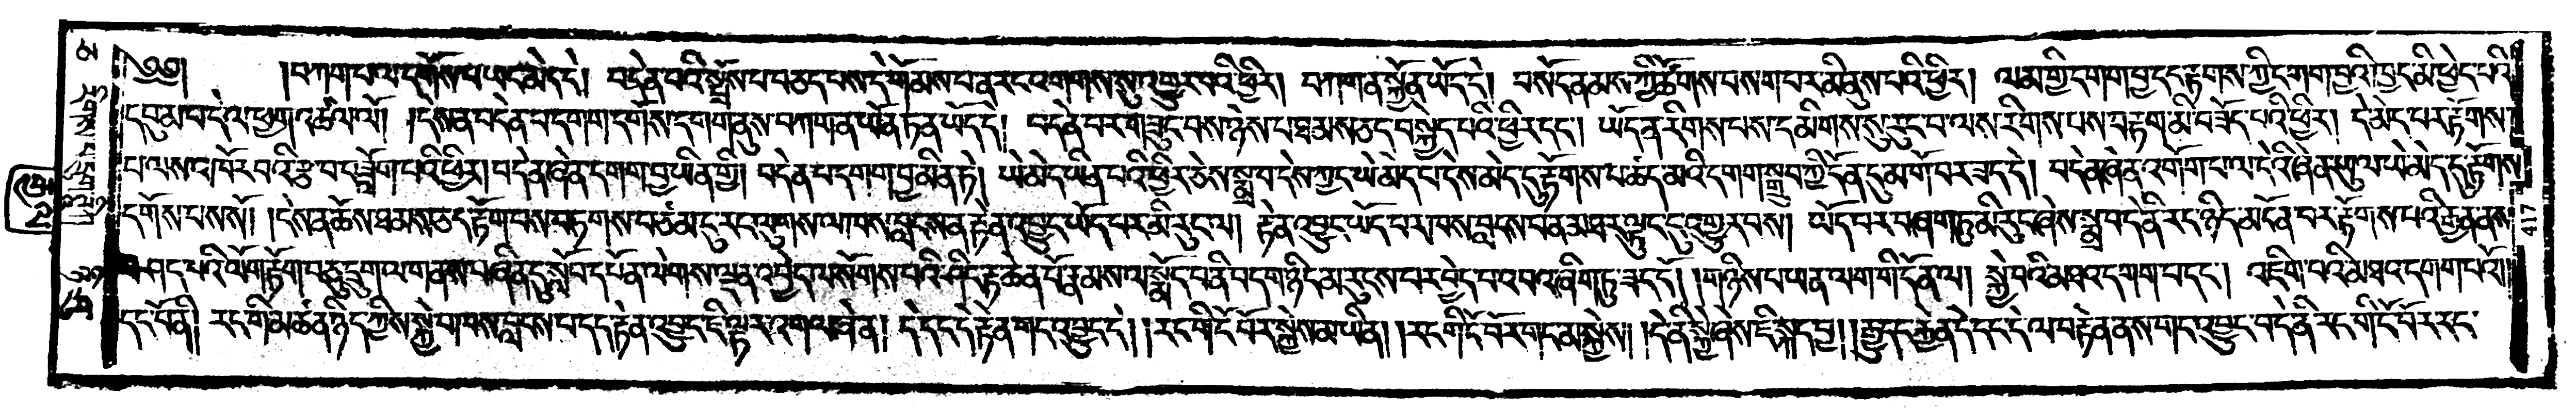༄༅། །བཀག་པ་ལ་དགོས་པ་ཡང་མེད་དེ། བདེན་པའི་སྤྲོས་པ་བཅད་པས་དེ་གོམས་པ་ན་རང་འགགས་སུ་འགྱུར་བའི་ཕྱིར། བཀག་ན་སྐྱོན་ཡོད་དེ། བསོད་ནམས་ཀྱི་ཚོགས་བསག་པར་མི་ནུས་པའི་ཕྱིར། ལམ་གྱི་དགག་བྱ་དང་རྟགས་ཀྱི་དགག་བྱའི་ཁྱད་མི་ཕྱེད་པའི་
དབུ་མ་པ་དེ་ལ་ཕྱག་འཚལ་ལོ། །དེས་ན་བདེན་པ་དགག་དགོས་དགག་ནུས་བཀག་ན་ཡོན་ཏན་ཡོད་དེ། བདེན་པར་གཟུང་བས་ཉེས་པ་ཐམས་ཅད་བསྐྱེད་པའི་ཕྱིར་དང་། ཡོད་ན་རིགས་པས་དམིགས་སུ་རུང་བ་ལས་རིགས་པས་བརྟག་མི་བཟོད་པའི་ཕྱིར། དེ་མེད་པར་རྟོགས་
པ་ལས་འཁོར་བའི་རྩ་བ་བཟློག་པའི་ཕྱིར། བདེན་ཞེན་དགག་བྱ་ཡིན་གྱི། བདེན་པ་དགག་བྱ་མིན་ཏེ། ཡེ་མེད་ཡིན་པའི་ཕྱིར་ཅེས་སྨྲ་བ་དེས་ཀྱང་ཡེ་མེད་པ་དེས་མེད་དུ་རྟོགས་པ་ཚད་མའི་དགག་སྒྲུབ་ཀྱི་དོན་དུ་མ་གོ་བར་ཟད་དེ། བདེན་ཞེན་འགོག་པ་ལ་དེའི་ཞེན་ཡུལ་ཡེ་མེད་དུ་རྟོགས་
དགོས་པས་སོ། །དེས་ན་ཆོས་ཐམས་ཅད་རྟོག་པས་བཏགས་པ་ཙམ་དུ་རང་ལུགས་ལ་ཁས་བླངས་ན་རྟེན་འབྱུང་ཡོད་པར་མི་རུང་ལ། རྟེན་འབྱུང་ཡོད་པར་ཁས་བླངས་པ་ན་མཐར་ལྟུང་དུ་འགྱུར་པས། ཡོད་པར་བཞག་ཏུ་མི་རུང་ཞེས་སྨྲ་བ་དེ་ནི་རང་ཉིད་མངོན་པར་རྟོགས་པའི་རྒྱན་ནས་
བཤད་པའི་ལོག་རྟོག་བཅུ་དྲུག་ལ་གནས་བཞིན་དུ་སློབ་དཔོན་ལེགས་ལྡན་འབྱེད་ལ་སོགས་པའི་ཤིང་རྟ་ཆེན་པོ་རྣམས་ལ་སྨོད་པ་ནི་བདག་ཉིད་མ་རུངས་པར་བྱེད་པ་འབའ་ཞིག་ཏུ་ཟད་དོ། །གཉིས་པ་ཡན་ལག་གི་དོན་ལ། སྐྱེ་བའི་མཐའ་དགག་པ་དང་། འཇིག་པའི་མཐའ་དགག་པའོ།།
དང་པོ་ནི། རང་གི་མཚན་ཉིད་ཀྱིས་སྐྱེ་བ་ཁས་བླངས་པ་དད་རྟེན་འབྱུང་ཇི་ལྟར་འགལ་ཞེ་ན། དེ་དང་དེ་རྟེན་གང་འབྱུང་དེ། །རང་གི་ངོ་བོར་སྐྱེས་མ་ཡིན། །རང་གི་ངོ་བོར་གང་མ་སྐྱེས། །དེ་ནི་སྐྱེ་ཞེས་ཇི་སྐད་བྱ། །རྒྱུ་དང་རྐྱེན་དེ་དང་དེ་ལ་བརྟེན་ནས་གང་འབྱུང་བ་དེ་ནི་རང་གི་ངོ་བོར་རང་